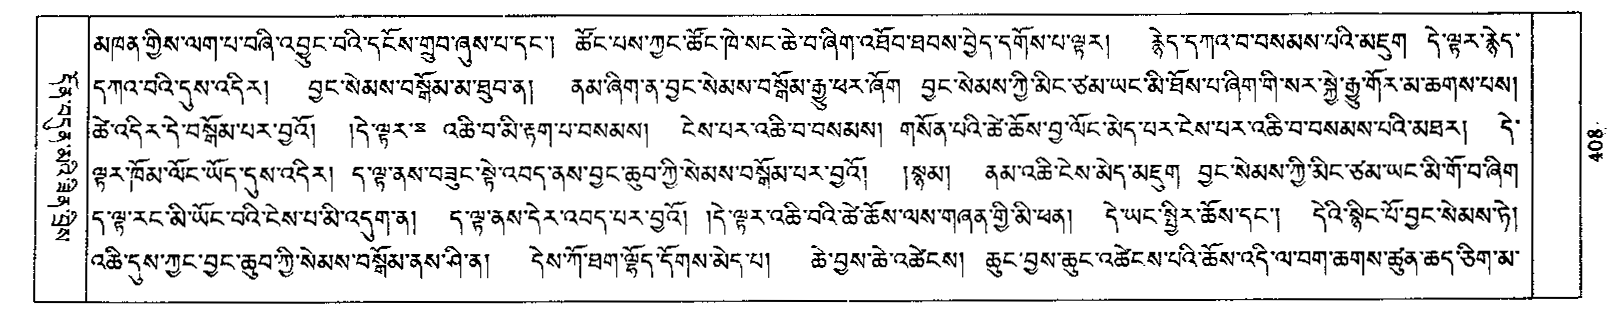མཁན་གྱིས་ལག་པ་བཞི་འབྱུང་བའི་དངོས་གྲུབ་ཞུས་པ་དང་། ཚོང་པས་ཀྱང་ཚོང་ཁེ་སང་ཆེ་བ་ཞིག་འཐོབ་ཐབས་བྱེད་དགོས་པ་ལྟར། རྙེད་དཀའ་བ་བསམས་པའི་མཇུག་དེ་ལྟར་རྙེད་
དཀའ་བའི་དུས་འདིར། བྱང་སེམས་བསྒོམ་མ་ཐུབ་ན། ནམ་ཞིག་ན་བྱང་སེམས་བསྒོམ་རྒྱུ་ཕར་ཞོག་བྱང་སེམས་ཀྱི་མིང་ཙམ་ཡང་མི་ཐོས་པ་ཞིག་གི་སར་སྐྱེ་རྒྱུ་གོར་མ་ཆགས་པས།
ཚེ་འདིར་དེ་བསྒོམ་པར་བྱའོ། །དེ་ལྟར་྾་འཆི་བ་མི་རྟག་པ་བསམས། ངེས་པར་འཆི་བ་བསམས། གསོན་པའི་ཚེ་ཆོས་བྱ་ལོང་མེད་པར་ངེས་པར་འཆི་བ་བསམས་པའི་མཐར། དེ་
ལྟར་ཁོམ་ལོང་ཡོད་དུས་འདིར། ད་ལྟ་ནས་བཟུང་སྟེ་འབད་ནས་བྱང་ཆུབ་ཀྱི་སེམས་བསྒོམ་པར་བྱའོ། །སྙམ། ནམ་འཆི་ངེས་མེད་མཇུག་བྱང་སེམས་ཀྱི་མིང་ཙམ་ཡང་མི་གོ་བ་ཞིག་
ད་ལྟ་རང་མི་ཡོང་བའི་ངེས་པ་མི་འདུག་ན། ད་ལྟ་ནས་དེར་འབད་པར་བྱའོ། །དེ་ལྟར་འཆི་བའི་ཚེ་ཆོས་ལས་གཞན་གྱི་མི་ཕན། དེ་ཡང་སྤྱི་ཆོས་དང་། དེའི་སྙིང་པོ་བྱང་སེམས་ཏེ།
འཆི་དུས་ཀྱང་བྱང་ཆུབ་ཀྱི་སེམས་བསྒོམས་ནས་ཤི་ན། དེས་ཀོ་ཐག་ལྟོད་དགོས་མེད་པ། ཆེ་བྱས་ཆེ་འཚེངས། ཆུང་བྱས་ཆུང་འཚེངས་པའི་ཆོས་འདི་ལ་བག་ཆགས་ཚུན་ཆད་ཅིག་མ་